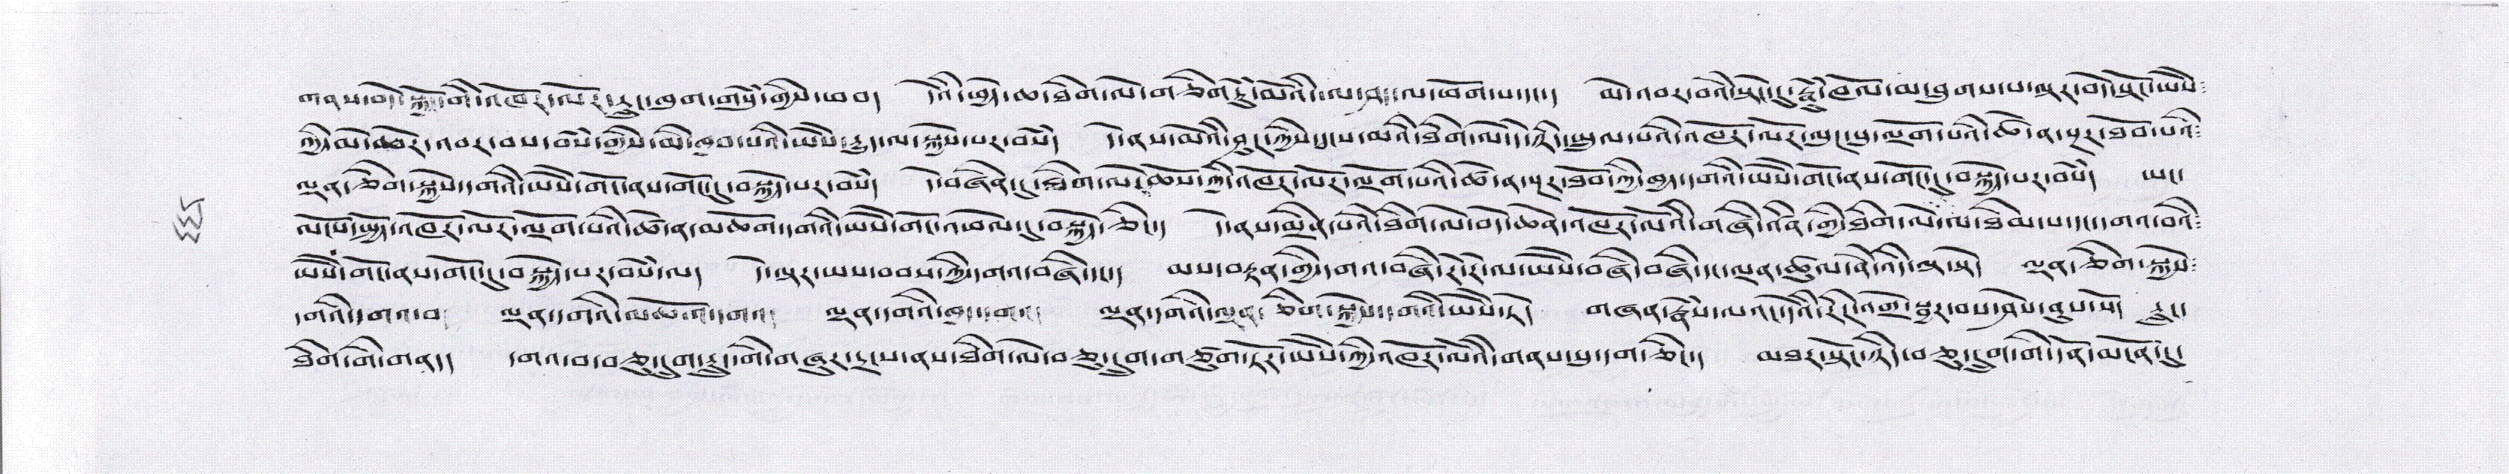གནས་བདེ་སྐྱོང་གི་འཁོར་ལོར་རླུང་ཁུག་གསུམ་གྱིས་ཕབ། དེའི་ཕྱེད་ཆ་ཐིག་ལེ་གཅིག་གཏུམ་མོའི་ཨ་ཤད་ལ་ཕོག་པ་དང་། མེ་འབར་བའི་སྟེང་དུ་སྣུམ་ཁོལ་མ་བླུགས་པ་ལྟར་བདེ་སྟོང་ཡེ་ཤེས་
ཀྱི་མེ་ཆེར་འབར་བས་བསམ་གྱིས་མི་ཁྱབ་པའི་ཡེ་ཤེས་རྒྱུད་ལ་སྐྱེས་པར་བསམ། དེ་ནས་མེའི་ཤུགས་ཀྱིས་དྭངས་མའི་ཐིག་ལེ་དེ་ཉིད་སྤྲུལ་པའི་འཁོར་ལོར་ལུགས་སུ་ལྡོག་པའི་ཚེ་ན་སྔར་ཐོབ་པའི་
ལྷན་ཅིག་སྐྱེས་དགའི་ཡེ་ཤེས་གོང་ནས་གོང་དུ་བསྐྱེད་པར་བསམ། དེ་བཞིན་དུ་ཐིག་ལེ་ཆོས་ཀྱི་འཁོར་ལོར་ལྡོག་པའི་ཚེ་ན་སྔར་ཐོབ་ཀྱི་ཁྱད་དགའི་ཡེ་ཤེས་གོང་ནས་གོང་དུ་བསྐྱེད་པར་བསམ། ཡང་
ལོངས་སྤྱོད་འཁོར་ལོར་ལྡོག་པའི་ཚེ་ན་མཆོག་དགའི་ཡེ་ཤེས་གོང་འཕེལ་དུ་བསྐྱེད་ཅིང་། དེ་ནས་མགྲིན་པའི་འཁོར་ལོའི་བདེ་ཆེན་འཁོར་ལོའི་གཞི་འཛིན་གྱི་ཐིག་ལེ་ལ་ཐིམ་པ་དང་དགའ་བའི་
ཡེ་ཤེས་གོང་ནས་གོང་དུ་བསྐྱེད་པར་བསམ་ལ། དེ་ལྟར་ཡས་བབས་ཀྱི་དགའ་བཞི་དང་། མས་བརྟེན་གྱི་དགའ་བཞི་རེ་རེ་ལ་ཡེ་ཤེས་བཞི་བཞི་དང་ལྡན་ཚུལ་ནི་འདི་ལྟ་སྟེ། ལྷན་ཅིག་སྐྱེས་
དགའི་དགའ་བ། ལྡན་དགའི་མཆོག་དགའ། ལྡན་དགའི་ཁྱད་དགའ། ལྡན་དགའི་ལྷན་ཅིག་སྐྱེས་དགའི་ཡེ་ཤེས་ཏེ། གཞན་རྣམས་ལའང་དེའི་རིགས་འགྲེ་སྦྱར་བས་ཤེས་ནུས་སོ། རླུང་
ཐིག་གི་གནད། དགའ་བ་བཅུ་དྲུག་རླུང་གི་གཞུར་དྲངས་ནས་ཐིག་ལེ་བཅུ་དྲུག་གཙུག་ཏོར་ཡེ་ཤེས་ཀྱི་འཁོར་ལོའི་གནས་སུ་དག་ཅིང་། མཐར་སྟོང་ཉིད་བཅུ་དྲུག་གི་དོན་མངོན་དུ་